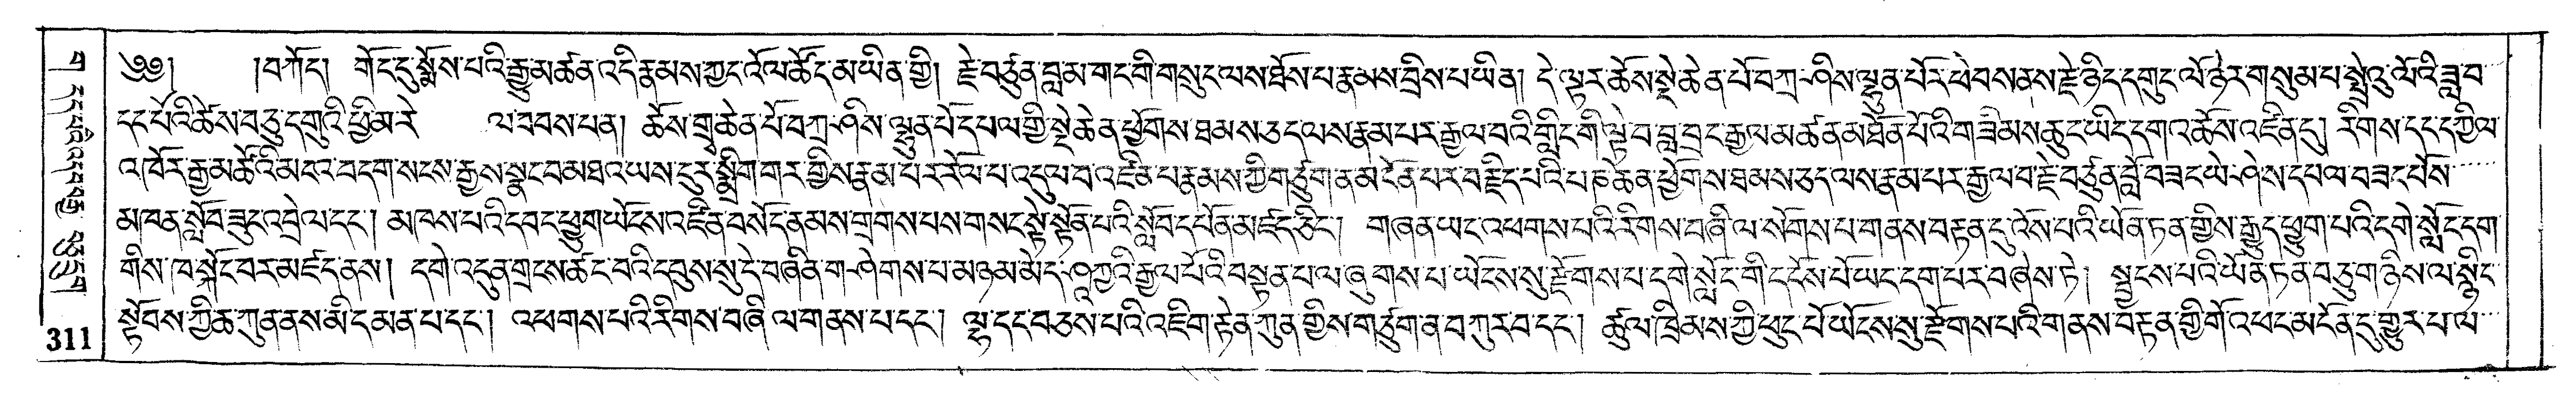༄༅། །བཀོད། གོང་དུ་སྨོས་པའི་རྒྱུ་མཚན་འདི་རྣམས་ཀྱང་འོལ་ཚོད་མ་ཡིན་གྱི། རྗེ་བཙུན་བླ་མ་གང་གི་གསུང་ལས་ཐོས་པ་རྣམས་བྲིས་པ་ཡིན། དེ་ལྟར་ཆོས་སྡེ་ཆེན་པོ་བཀྲ་ཤིས་ལྷུན་པོར་ཕེབས་ནས་རྗེ་ཉིད་དགུང་ལོ་ཉེར་གསུམ་པ་སྦྲེའུ་ལོའི་ཟླ་བ་
དང་པོའི་ཚེས་བཅུ་དགུའི་ཕྱི་མ་རེ་ད་ཀྱི་ཆ་ལ་བབས་པ་ན། ཆོས་གྲྭ་ཆེན་པོ་བཀྲ་ཤིས་ལྷུན་པོ་དཔལ་གྱི་སྡེ་ཆེན་ཕྱོགས་ཐམས་ཅད་ལས་རྣམ་པར་རྒྱལ་བའི་གླིང་གི་ལྟེ་བ་བླ་བྲང་རྒྱལ་མཚན་མཐོན་པོའི་གཟིམས་ཆུང་ཡིད་དགའ་ཆོས་འཛིན་དུ། རིགས་དང་དཀྱིལ་
འཁོར་རྒྱ་མཚོའི་མངའ་བདག་སངས་རྒྱས་སྣང་བ་མཐའ་ཡས་དུར་སྨྲིག་གར་གྱིས་རྣམ་པར་རོལ་པ་འདུལ་བ་འཛིན་པ་རྣམས་ཀྱི་གཙུག་ན་མངོན་པར་བརྗིད་པའི་པཎ་ཆེན་ཕྱོགས་ཐམས་ཅད་ལས་རྣམ་པར་རྒྱལ་བ་རྗེ་བཙུན་བློ་བཟང་ཡེ་ཤེས་དཔལ་བཟང་པོས་
མཁན་སློབ་ཟུང་འབྲེལ་དང་། མཁས་པའི་དབང་ཕྱུག་ཡོངས་འཛིན་བསོད་ནམས་གྲགས་པས་གསང་སྟེ་སྟོན་པའི་སློབ་དཔོན་མཛད་ཅིང་། གཞན་ཡང་འཕགས་པའི་རིགས་བཞི་ལ་སོགས་པ་གནས་བརྟན་དུ་འོས་པའི་ཡོན་ཏན་གྱིས་རྒྱུད་ཕྱུག་པའི་དགེ་སློང་དག་
གིས་ཁ་སྐོང་བར་མཛད་ནས། དགེ་འདུན་གྲངས་ཚང་བའི་དབུས་སུ་དེ་བཞིན་གཤེགས་པ་མཉམ་མེད་ཤཱཀྱའི་རྒྱལ་པོའི་བསྟན་པ་ལ་ཞུགས་པ་ཡོངས་སུ་རྫོགས་པ་དགེ་སློང་གི་དངོས་པོ་ཡང་དག་པར་བཞེས་ཏེ། སྦྱངས་པའི་ཡོན་ཏན་བཅུ་གཉིས་ལ་སྙིང་
སྟོབས་ཀྱི་ཆ་ཀུན་ནས་མི་དམན་པ་དང་། འཕགས་པའི་རིགས་བཞི་ལ་གནས་པ་དང་། ལྷ་དང་བཅས་པའི་འཇིག་རྟེན་ཀུན་གྱིས་གཙུག་ན་བཀུར་བ་དང་། ཚུལ་ཁྲིམས་ཀྱི་ཕུང་པོ་ཡོངས་སུ་རྫོགས་པའི་གནས་བརྟན་གྱི་གོ་འཕང་མངོན་དུ་གྱུར་པ་ལ་